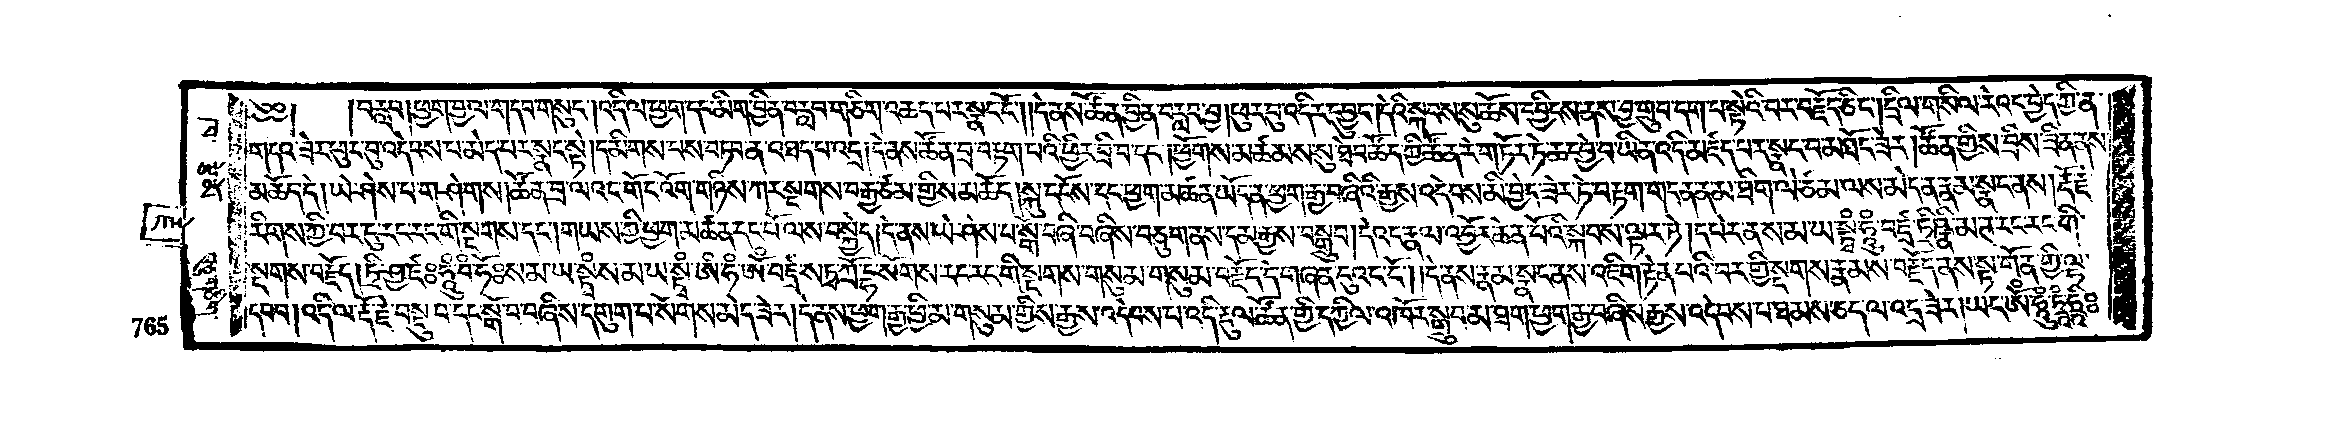༄༅། །བརླབ། ཕྱག་བྱ་ལ་གདབ་གསུང་། འདི་ལ་ཕྱག་དང་མིག་བྱིན་བརླབ་གཅིག་འཆད་པར་སྣང་ངོ། །དེ་ནས་ཚོན་བྱིན་བརླབ་བྱ། ཕུར་བུ་འདིར་དབྱུང་། དེའི་སྐབས་སུ་ཆོས་དབྱིངས་ནས་བྱ་གྲུབ་དག་པ་སྟེའི་བར་བརྗོད་ཅིང་། དྲིལ་གསིལ་རེའང་བྱེད་ཀྱི་ན་
གདའ་ཟེར་ཕུར་བུ་འདེབས་པ་མེད་པར་སྣང་སྟེ། དམིགས་པས་བཏབ་ན་འཐད་པ་འདྲ། དེ་ནས་ཚོན་བྲ་བརྟག་པའི་ཕྱིར་བྲི་བ་དང་། ཕྱོགས་མཚམས་སུ་ཐེབ་ཚོད་ཀྱི་ཚོན་རེ་གཏོར་ཏེ་ཆ་དབྱེ་བ་ཡིན་འདི་མཛད་པར་སྣང་བ་མཐོང་ཟེར། ཚོན་གྱིས་བྲིས་ཟིན་ནས་
མཆོད་དེ། ཡེ་ཤེས་པ་གཤེགས། ཚོན་བྲ་ལའང་གོང་འོག་གཉིས་ཀར་སྔགས་བརྒྱ་ཙམ་གྱིས་མཆོད། སྐུ་དངོས་དང་ཕྱག་མཚན་ཡོད་ན་ཕྱག་རྒྱ་བཞིའི་རྒྱས་འདེབས་མི་བྱེད་ཟེར་ཏེ་བརྟག་གདན་ན་མ་ཐིག་ལེ་ཙམ་ལས་མེད་ན་རྣམ་སྣང་ནས། རྡོ་རྗེ་
རིགས་ཀྱི་བར་དུ་རང་རང་གི་སྔགས་དང་། གཡས་ཀྱི་ཕྱག་མཚན་དང་པོ་ལས་བསྐྱེད། དེ་ནས་ཡེ་ཤེས་པ་སྒོ་བཞི་བཞིས་བཅུག་ནས་དམ་རྒྱས་བསྒྲུབ། དེའང་རྣལ་འབྱོར་ཆེན་པོའི་སྐབས་ལྟར་ཏེ། དཔེར་ན་ས་མ་ཡ་སྟྭཾ་ཧཱུཾ་བཛྲ་ཏྲིཥྣི་མ་ཊ་རང་རང་གི་
སྔགས་བརྗོད། ཏྲི་ཤྱ་ཛཿ ཧཱུཾ་བཾ་ཧོཿ ས་མ་ཡ་སྟྭཾ་ས་མ་ཡ་སྟྭཾ་ཨཾ་ཧཾ་ཨོཾ་བཛྲ་སཏྭ་ཀྲོ་དྷ་སོགས་རང་རང་གི་སྔགས་གསུམ་གསུམ་བརྗོད་དེ་གཞན་དུའང་ངོ། །དེ་ནས་རྣམ་སྣང་ནས་འཇིག་རྟེན་པའི་བར་གྱི་སྔགས་རྣམས་བརྗོད་ནས་སྟ་གོན་གྱི་ལྷ་
དབབ། འདི་ལ་རྡོ་རྗེ་བསྡུ་བ་དང་སྒོ་བ་བཞིས་དགུག་པ་སོགས་མེད་ཟེར། དེ་ནས་ཕྱག་རྒྱ་ཕྱི་མ་གསུམ་གྱིས་རྒྱས་འདེབས་པ་འདི་རྡུལ་ཚོན་གྱི་དཀྱིལ་འཁོར་སྒྲུབ་མ་ཐག་ཕྱག་རྒྱ་བཞིས་རྒྱས་འདེབས་པ་ཐམས་ཅད་ལ་འདྲ་ཟེར། ཡང་ཨོཾ་ཧཱུཾ་ཏྲཱཾ་ཧྲཱིཿ